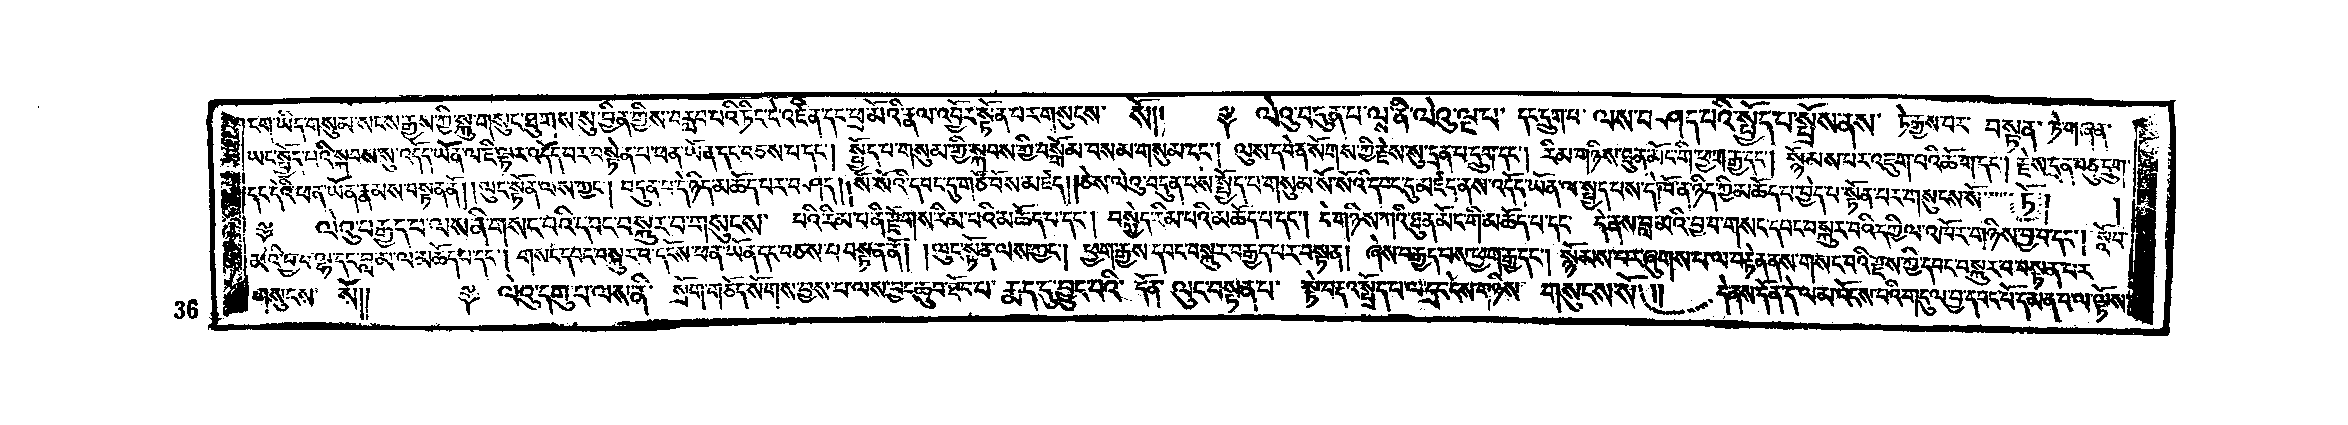ངག་ཡིད་གསུམ་སངས་རྒྱས་ཀྱི་སྐུ་གསུང་ཐུགས་སུ་བྱིན་གྱིས་བརླབ་པའི་ཏིང་ངེ་འཛིན་དང་ཕྲ་མོའི་རྣལ་འབྱོར་སྟོན་པར་གསུངས་སོ།། ༈ ལེའུ་བདུན་པ་ལས་ནི་ལེའུ་ལྔ་པ་དང་དྲུག་པ་ལས་བཤད་པའི་སྤྱོད་པ་སྤྲོས་པ་ནས་ཏེ་རྒྱས་པར་བསྟན་ཏེ་གཞན་
ཡང་སྤྱོད་པའི་སྐབས་སུ་འདོད་ཡོན་ལ་ཇི་ལྟར་འདོད་པར་བསྟེན་པ་ཕན་ཡོན་དང་བཅས་པ་དང་། སྤྱོད་པ་གསུམ་གྱི་སྐབས་ཀྱི་བསྒོམ་བསམ་གསུམ་དང་། ལུས་དབེན་སོགས་ཀྱི་རྗེས་སུ་དྲན་པ་དྲུག་དང་། རིམ་གཉིས་ཐུན་མོང་གི་ཕྱག་རྒྱ་དང་། སྙོམས་པར་འཇུག་པའི་ཆོ་ག་དང་། རྗེས་དྲན་བཅུ་དྲུག་
དང་དེའི་ཕན་ཡོན་རྣམས་བསྟན་ནོ། །ལུང་སྟོན་ལས་ཀྱང་། བདུན་པ་དེ་ཉིད་མཆོད་པར་བཤད། །སོ་སོའི་དབང་དུ་གཙོ་བོས་མཛད། །ཅེས་ལེའུ་བདུན་པས་སྤྱོད་པ་གསུམ་སོ་སོའི་དབང་དུ་མཛད་ནས་འདོད་ཡོན་ལ་སྤྱད་པས་དེ་ཁོ་ན་ཉིད་ཀྱི་མཆོད་པ་བྱེད་པ་སྟོན་པར་གསུངས་སོ་ཏོ། །
༈ ལེའུ་བརྒྱད་པ་ལས་ནི་གསང་བའི་དབང་བསྐུར་བ་གསུངས་པའི་རིམ་པ་ནི་རྫོགས་རིམ་པའི་མཆོད་པ་དང་། བསྐྱེད་རིམ་པའི་མཆོད་པ་དང་། དེ་གཉིས་ཀའི་ཐུན་མོང་གི་མཆོད་པ་དང་། དེ་ནས་བླ་མའི་བྱ་བ་གསང་དབང་བསྐུར་བའི་དཀྱིལ་འཁོར་གཉིས་བྱ་བ་དང་། སློབ་
མའི་བྱ་བ་ལྷ་དང་བླ་མ་ལ་མཆོད་པ་དང་། གསང་དབང་བསྐུར་བ་དངོས་ཕན་ཡོན་དང་བཅས་པ་བསྟན་ནོ། །ལུང་སྟོན་ལས་ཀྱང་། ཕྱག་རྒྱས་དབང་བསྐུར་བརྒྱད་པར་བསྟན། ཞེས་བརྒྱད་པས་ཕྱག་རྒྱ་དང་། སྙོམས་པར་ཞུགས་པ་ལ་བརྟེན་ནས་གསང་བའི་རྫས་ཀྱི་དབང་བསྐུར་བ་བསྟན་པར་
གསུངས་སོ།། ༈ ལེའུ་དགུ་པ་ལས་ནི་སྲོག་གཅོད་སོགས་བྱས་པ་ལས་བྱང་ཆུབ་ཐོབ་པ་རྨད་དུ་བྱུང་བའི་དོན་ལུང་བསྟན་པ་སྟེན་བརྡའ་སྤྲོད་པ་ལ་དྲང་ངེས་གཉིས་གསུངས་སོ།། དེ་ནས་དོན་དེ་ལ་མ་འོངས་པའི་གདུལ་བྱ་དབང་པོ་དམན་པ་ལ་ལྟོས་